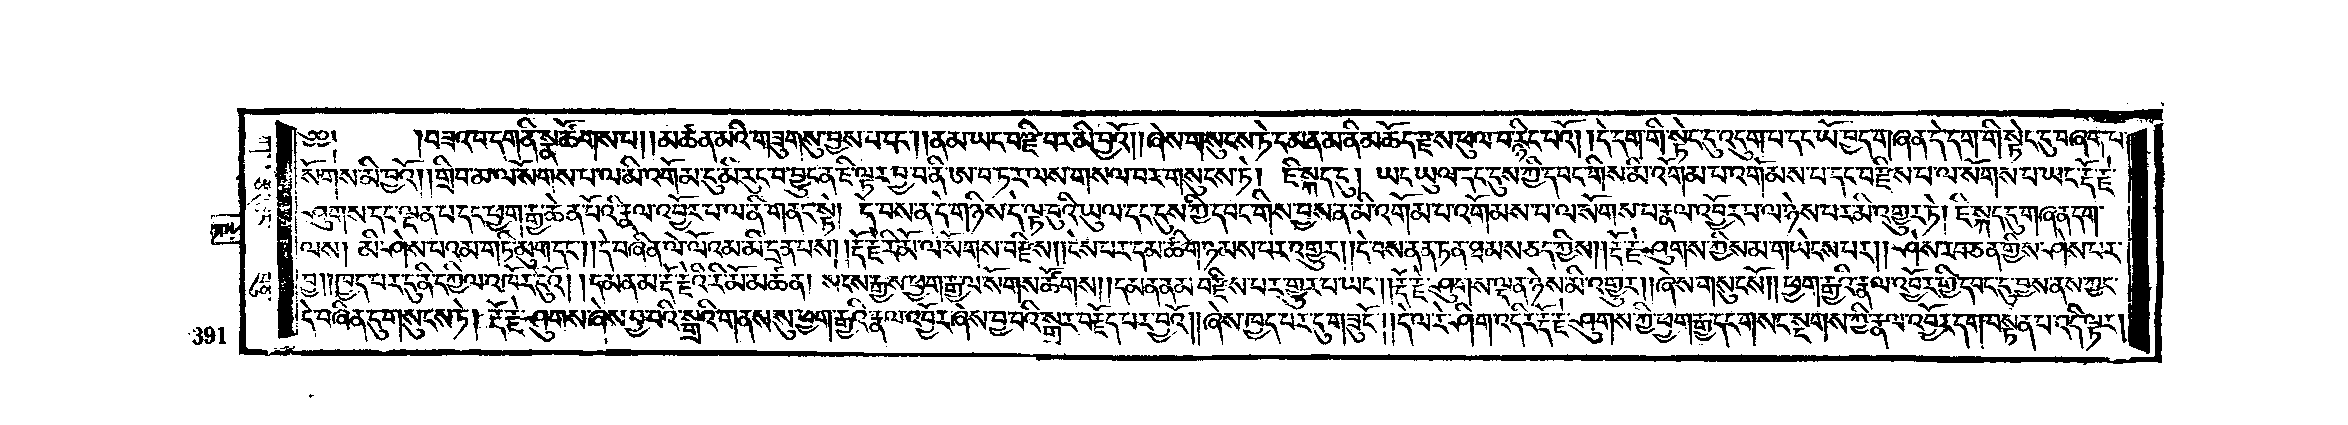༄༅། །བཟའ་བ་དག་ནི་སྣ་ཚོགས་པ། །མཚན་མའི་གཟུགས་སུ་བྱས་པ་དང་། །ནམ་ཡང་བརྫི་བར་མི་བྱའོ། །ཞེས་གསུངས་ཏེ་དམན་མ་ནི་མཆོད་རྫས་ཕུལ་བ་རྙིང་པའོ། །དེ་དག་གི་སྟེང་དུ་འདུག་པ་དང་ཡོ་བྱད་གཞན་དེ་དག་གི་སྟེང་དུ་བཞག་པ་
སོགས་མི་བྱའོ། །གྲིབ་མ་ལ་སོགས་པ་ལ་མི་འགོམ་དུ་མི་རུང་བ་བྱུང་ན་ཇི་ལྟར་བྱ་བ་ནི་ཨ་བ་ཏ་ར་ལས་གསལ་བར་གསུངས་ཏེ། ཇི་སྐད་དུ། ཡང་ཡུལ་དང་དུས་ཀྱི་དབང་གིས་མི་འགོམ་པ་འགོམས་པ་དང་བརྫིས་པ་ལ་སོགས་པ་ཡང་རྡོ་རྗེ་
ཤུགས་དང་ལྡན་པ་དང་ཕྱག་རྒྱ་ཆེན་པོའི་རྣལ་འབྱོར་པ་ལ་ནི་གནང་སྟེ། དེ་བས་ན་དེ་གཉིས་དེ་ལྟ་བུའི་ཡུལ་དང་དུས་ཀྱི་དབང་གིས་བྱས་ན་མི་འགོམ་པ་འགོམས་པ་ལ་སོགས་པ་རྣལ་འབྱོར་པ་ལ་ཉེས་པར་མི་འགྱུར་ཏེ། ཇི་སྐད་དུ་གཞན་དག་
ལས། མི་ཤེས་པའམ་གཏི་མུག་དང་། །དེ་བཞིན་ལེ་ལོའམ་མི་དྲན་པས། །རྡོ་རྗེ་རི་མོ་ལ་སོགས་བརྫིས། །ངེས་པར་དམ་ཚིག་ཉམས་པར་འགྱུར། །དེ་བས་ནན་ཏན་ཐམས་ཅད་ཀྱིས། །རྡོ་རྗེ་ཤུགས་ཀྱིས་མ་གཡེངས་པར། །ཤེས་རབ་ཅན་གྱིས་ཤེས་པར་
བྱ། །ཁྱད་པར་དུ་ནི་དཀྱིལ་འཁོར་དུའོ། །དམན་མ་རྡོ་རྗེའི་རི་མོ་མཚན། སངས་རྒྱས་ཕྱག་རྒྱ་ལ་སོགས་ཚོགས། །དམན་ནམ་བརྫིས་པར་གྱུར་པ་ཡང་། །རྡོ་རྗེ་ཤུགས་ལྡན་ཉེས་མི་འགྱུར། །ཞེས་གསུངས་སོ། །ཕྱག་རྒྱའི་རྣལ་འབྱོར་གྱི་དབང་དུ་བྱས་ནས་ཀྱང་
དེ་བཞིན་དུ་གསུངས་ཏེ། རྡོ་རྗེ་ཤུགས་ཞེས་བྱ་བའི་སྒྲའི་གནས་སུ་ཕྱག་རྒྱའི་རྣལ་འབྱོར་ཞེས་བྱ་བའི་སྒྲར་བརྗོད་པར་བྱའོ། །ཞེས་ཁྱད་པར་དུ་གཟུང་ངོ། །དེ་ལ་རེ་ཤིག་འདིར་རྡོ་རྗེ་ཤུགས་ཀྱི་ཕྱག་རྒྱ་དང་གསང་སྔགས་ཀྱི་རྣལ་འབྱོར་དག་བསྟན་པ་འདི་ལྟར།